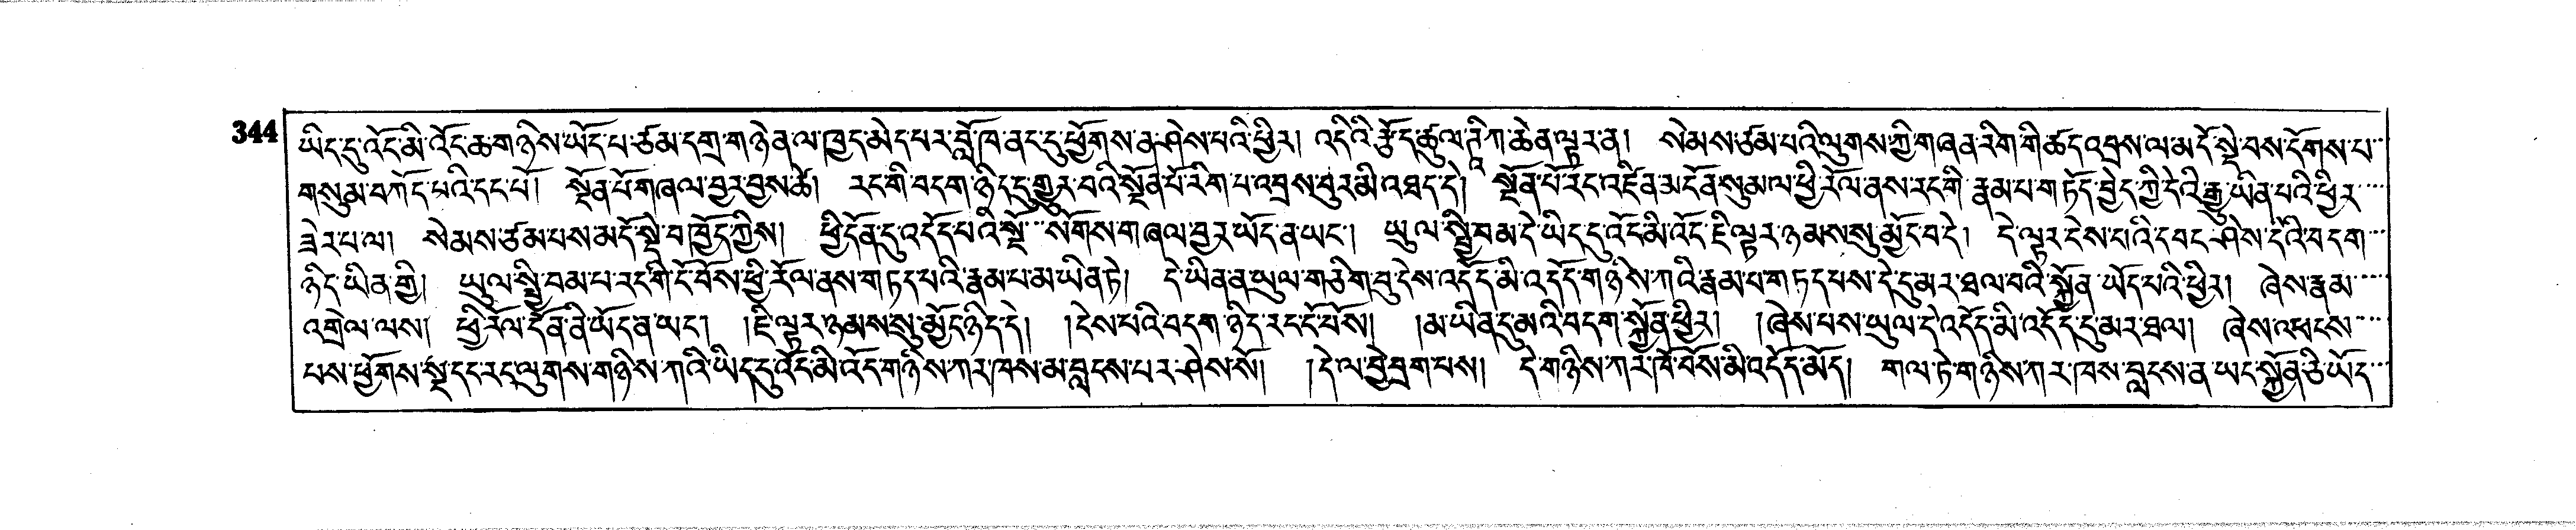ཡིད་དུ་འོང་མི་འོང་ཆ་གཉིས་ཡོད་པ་ཙམ་དགྲ་གཉེན་ལ་ཁྱད་མེད་པར་བློ་ཁ་ནང་དུ་ཕྱོགས་ན་ཤེས་པའི་ཕྱིར། འདིའི་རྩོད་ཚུལ་ཊཱིཀ་ཆེན་ལྟར་ན། སེམས་ཙམ་པའི་ལུགས་ཀྱི་གཞན་རིག་གི་ཚད་འབྲལ་ལ་མདོ་སྡེ་བས་དོགས་པ་
གསུམ་བཀོད་པའི་དང་པོ། སྔོན་པོ་གཞལ་བྱར་བྱས་ཚེ། རང་གི་བདག་ཉིད་དུ་གྱུར་བའི་སྔོན་པོ་རིག་པ་འབྲས་བུར་མི་འཐད་དེ། སྔོན་པོ་རང་འཛིན་མངོན་སུམ་ལ་ཕྱི་རོལ་ནས་རང་གི་རྣམ་པ་གཏོད་བྱེད་ཀྱི་དེའི་རྒྱུ་ཡིན་པའི་ཕྱིར་
ཟེར་བ་ལ། སེམས་ཙམ་པས་མདོ་སྡེ་བ་ཁྱོད་ཀྱིས། ཕྱི་དོན་དུ་འདོད་པའི་སྔོ་སོགས་གཞལ་བྱར་ཡོད་ན་ཡང་། ཡུལ་སྤྱི་བ་མ་དེ་ཡིད་དུ་འོང་མི་འོང་ཇི་ལྟར་ཉམས་སུ་མྱོང་བ་དེ། དེ་ལྟར་ངེས་པའི་དབང་ཤེས་དེའི་བདག་
ཉིད་ཡིན་གྱི། ཡུལ་སྤྱི་བམ་པ་རང་གི་ངོ་བོས་ཕྱི་རོལ་ནས་གཏད་པའི་རྣམ་པ་མ་ཡིན་ཏེ། དེ་ཡིན་ན་ཡུལ་གཅིག་བུ་དེས་འདོད་མི་འདོད་གཉིས་ཀའི་རྣམ་པ་གཏད་པས་དེ་དུ་མར་ཐལ་བའི་སྐྱོན་ཡོད་པའི་ཕྱིར། ཞེས་རྣམ་
འགྲེལ་ལས། ཕྱི་རོལ་དོན་ནི་ཡོད་ན་ཡང་། །ཇི་ལྟར་ཉམས་སུ་མྱོང་ཉིད་དེ། །ངེས་པའི་བདག་ཉིད་རང་ངོ་པོས། །མ་ཡིན་དུ་མའི་བདག་སྐྱོན་ཕྱིར། །ཞེས་པས་ཡུལ་དེ་འདོད་མི་འདོད་དུ་མར་ཐལ། ཞེས་འཕངས་
པས་ཕྱོགས་སྔ་དང་རང་ལུགས་གཉིས་ཀའི་ཡིད་དུ་འོང་མི་འོང་གཉིས་ཀར་ཁས་མ་བླངས་པར་ཤེས་སོ། །དེ་ལ་བྱེ་བྲག་པས། དེ་གཉིས་ཀར་ཁོ་བོས་མི་འདོད་མོད། གལ་ཏེ་གཉིས་ཀར་ཁས་བླངས་ན་ཡང་སྐྱོན་ཅི་ཡོད་